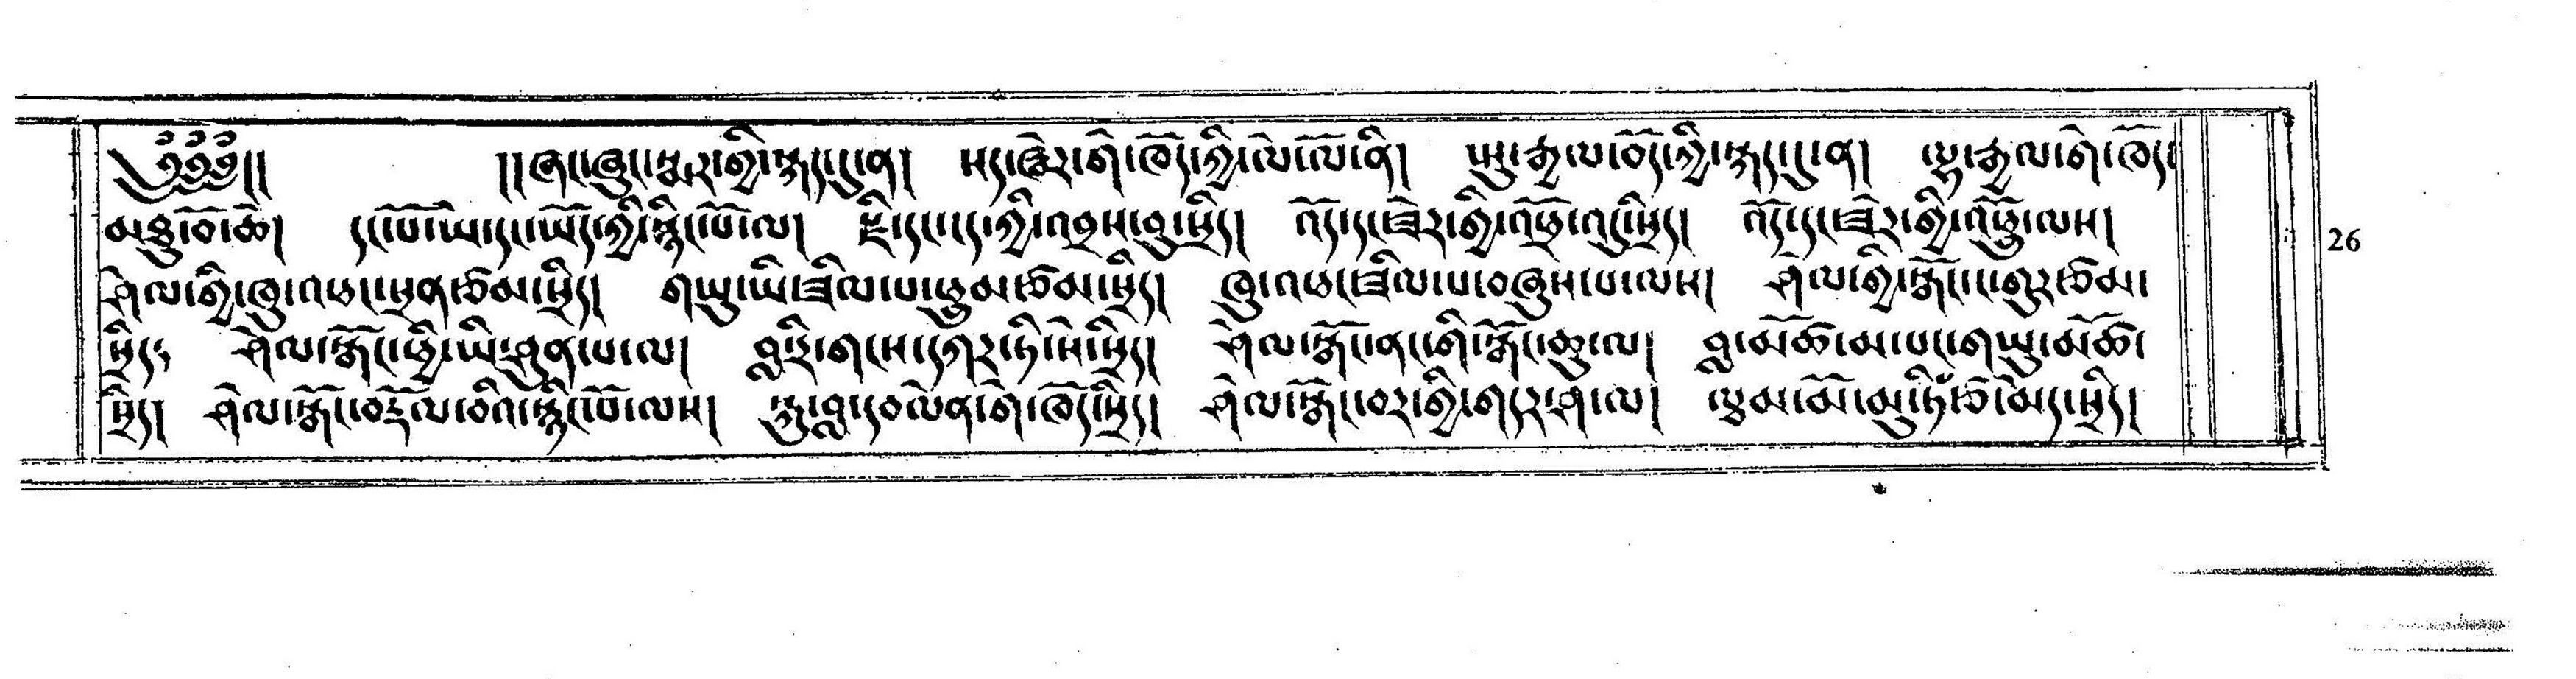༄༅༅།། །།ཞང་ཞུང་སྨར་གྱི་སྐད་དུ་ན། སད་ཝེར་གེ་ཁོད་ཀྱི་ལེ་ལོ་ནི། སྤུ་རྒྱལ་བོད་ཀྱི་སྐད་དུ་ན། ལྷ་རྒྱལ་གེ་ཁོད་
མཐུ་བོ་ཆེ། དང་པོ་ཡེ་དང་ཡོད་ཀྱི་སྙིང་པོ་ལ། རྫི་དང་ངད་ཀྱི་འབྲས་བུ་སྲིད། འོད་དང་ཟེར་གྱི་འཕྲོ་འདུ་སྲིད། འོད་དང་ཟེར་གྱི་འཕྲོ་འདུ་ལས། 
ཤེལ་གྱི་ཁུ་འཕང་སྲན་ཙམ་སྲིད། གཡུ་ཡི་ཟིལ་པ་ཕྲུམ་ཙམ་སྲིད། ཁུ་འཕང་ཟིལ་པ་བཞུས་པ་ལས། ཤེལ་གྱི་སྒོང་ང་གུར་ཙམ་
སྲིད། ཤེལ་སྒོང་ཕྱི་ཡི་ཤུན་པ་ལ། བླ་རི་གངས་དཀར་ཏི་སེ་སྲིད། ཤེལ་སྒོང་ནང་གི་སྒོང་ཆུ་ལ། བླ་མཚོ་མ་པང་གཡུ་མཚོ་
སྲིད། ཤེལ་སྒོང་བརྡོལ་བའི་སྙིང་པོ་ལས། སྐུ་བླ་དབལ་ཆེན་གེ་ཁོད་སྲིད། ཤེལ་སྒོང་བར་གྱི་གདར་ཤ་ལ། ལྕམ་མོ་མུ་ཏིཾ་ཙ་མེད་སྲིད།